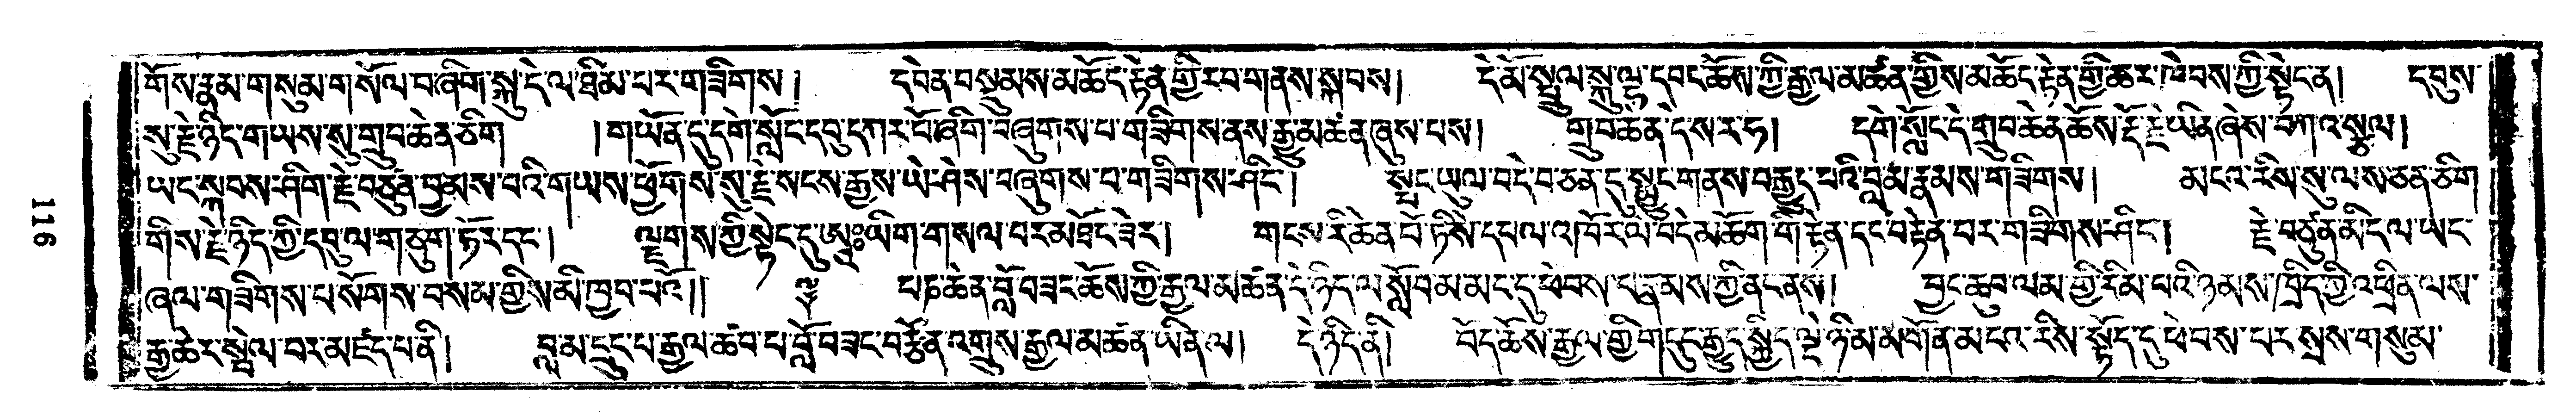གོས་རྣམ་གསུམ་གསོལ་བ་ཞིག་སྐུ་དེ་ལ་ཐིམ་པར་གཟིགས། དབེན་བསྡུམས་མཆོད་རྟེན་གྱི་རབ་གནས་སྐབས། དེ་མོ་སྤྲུལ་སྐུ་ལྷ་དབང་ཆོས་ཀྱི་རྒྱལ་མཚན་གྱིས་མཆོད་རྟེན་གྱི་ཆར་ཁེབས་ཀྱི་སྟེང་ན། དབུས་
སུ་རྗེ་ཉིད་གཡས་སུ་གྲུབ་ཆེན་ཅིག །གཡོན་དུ་དགེ་སློང་དབུ་དཀར་པོ་ཞིག་བཞུགས་པ་གཟིགས་ནས་རྒྱུ་མཚན་ཞུས་པས། གྲུབ་ཆེན་དེ་ས་ར་ཧ། དགེ་སློང་དེ་གྲུབ་ཆེན་ཆོས་རྡོ་རྗེ་ཡིན་ཞེས་བཀའ་སྩལ།
ཡང་སྐབས་ཤིག་རྗེ་བཙུན་བྱམས་པའི་གཡས་ཕྱོགས་སུ་རྗེ་སངས་རྒྱས་ཡེ་ཤེས་བཞུགས་པ་གཟིགས་ཤིང་། སྤང་ཡུལ་བདེ་བ་ཅན་དུ་སྨྱུང་གནས་བརྒྱུད་པའི་བླ་མ་རྣམས་གཟིགས། མངའ་རིས་སུ་ལས་ཅན་ཅིག་
གིས་རྗེ་ཉིད་ཀྱི་དབུ་ལ་གཙུག་ཏོར་དང་། ལྗགས་ཀྱི་སྟེང་དུ་ཨཱཿཡིག་གསལ་བར་མཐོང་ཟེར། གངས་རི་ཆེན་པོ་ཏི་སེ་དཔལ་འཁོར་ལ་བདེ་མཆོག་གི་རྟེན་དང་བརྟེན་པར་གཟིགས་ཤིང་། རྗེ་བཙུན་མིང་ལ་ཡང་
ཞལ་གཟིགས་པ་སོགས་བསམ་གྱིས་མི་ཁྱབ་པའོ།། ༈ པཎ་ཆེན་བློ་བཟང་ཆོས་ཀྱི་རྒྱལ་མཚན་དེ་ཉིད་ལ་སློབ་མ་མང་དུ་ཕེབས་པ་རྣམས་ཀྱི་ནང་ནས། བྱང་ཆུབ་ལམ་གྱི་རིམ་པའི་ཉམས་ཁྲིད་ཀྱི་འཕྲིན་ལས་
རྒྱ་ཆེར་སྦེལ་བར་མཛད་པ་ནི། བླ་མ་དྲུང་པ་རྒྱལ་ཚབ་པ་བློ་བཟང་བརྩོན་འགྲུས་རྒྱལ་མཚན་ཡིན་ལ། དེ་ཉིད་ནི། བོད་ཆོས་རྒྱལ་གྱི་གདུང་རྒྱུད་སྐྱིད་ལྡེ་ཉི་མ་མགོན་མངའ་རིས་སྟོད་དུ་ཕེབས་པར་སྲས་གསུམ་